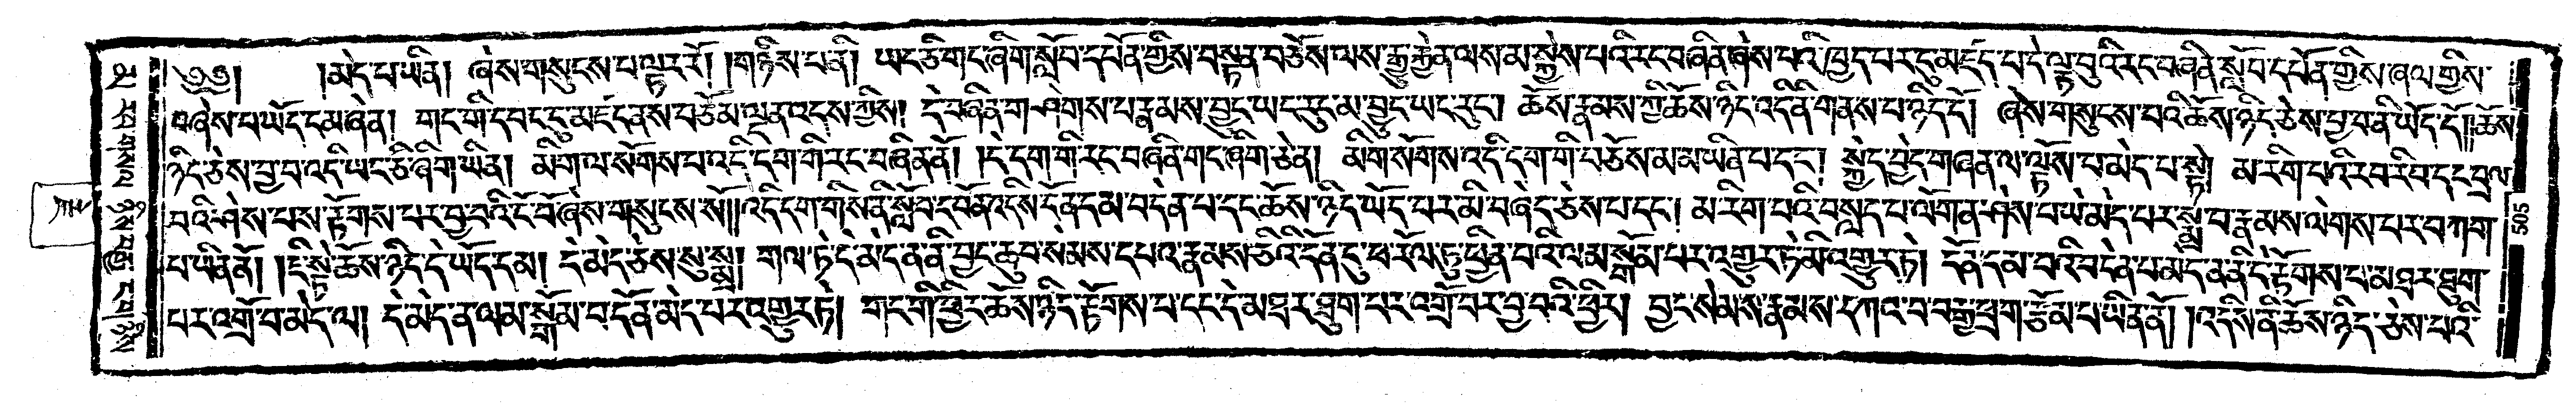༄༅། །མེད་པ་ཡིན། ཞེས་གསུངས་པ་ལྟར་རོ། །གཉིས་པ་ནི། ཡང་ཅི་གང་ཞིག་སློབ་དཔོན་གྱིས་བསྟན་བཅོས་ལས་རྒྱུ་རྐྱེན་ལས་མ་སྐྱེས་པའི་རང་བཞིན་ཞེས་པའི་ཁྱད་པར་དུ་མཛད་པ་དེ་ལྟ་བུའི་རང་བཞིན་སློབ་དཔོན་གྱིས་ཞལ་གྱིས་
བཞེས་པ་ཡོད་དམ་ཞེ་ན། གང་གི་དབང་དུ་མཛད་ནས་བཅོམ་ལྡན་འདས་ཀྱིས། དེ་བཞིན་གཤེགས་པ་རྣམས་བྱུང་ཡང་རུང་མ་བྱུང་ཡང་རུང་། ཆོས་རྣམས་ཀྱི་ཆོས་ཉིད་འདི་ནི་གནས་པ་ཉིད་དོ། ཞེས་གསུངས་པའི་ཆོས་ཉིད་ཅེས་བྱ་བ་ནི་ཡོད་དོ། །ཆོས་
ཉིད་ཅེས་བྱ་བ་འདི་ཡང་ཅི་ཞིག་ཡིན། མིག་ལ་སོགས་པ་འདི་དག་གི་རང་བཞིན་ནོ། །དེ་དག་གི་རང་བཞིན་གང་ཞིག་ཅེ་ན། མིག་སོགས་འདི་དག་གི་བཅོས་མ་མ་ཡིན་པ་དང་། སྐྱེད་བྱེད་གཞན་ལ་ལྟོས་པ་མེད་པ་སྟེ། མ་རིག་པའི་རབ་རིབ་དང་བྲལ་
བའི་ཤེས་པས་རྟོགས་པར་བྱ་བའི་ངོ་བོ་ཞེས་གསུངས་སོ། །འདི་དག་གིས་ནི་སློབ་དཔོན་འདིས་དོན་དམ་བདེན་པ་དང་ཆོས་ཉིད་ཡོད་པར་མི་བཞེད་ཅེས་པ་དང་། མ་རིག་པའི་བསླད་པ་ལོག་ན་ཤེས་པ་ཡེ་མེད་པར་སྨྲ་བ་རྣམས་ལེགས་པར་བཀག་
པ་ཡིན་ནོ། །ཇི་སྟེ་ཆོས་ཉིད་དེ་ཡོད་དམ། དེ་མེད་ཅེས་སུ་སྨྲ། གལ་ཏེ་དེ་མེད་ན་ནི་བྱང་ཆུབ་སེམས་དཔའ་རྣམས་ཅིའི་དོན་དུ་ཕ་རོལ་ཏུ་ཕྱིན་པའི་ལམ་སྒོམ་པར་འགྱུར་ཏེ་མི་འགྱུར་ཏེ། དོན་དམ་པའི་བདེན་པ་མེད་ན་ནི་དེ་རྟོགས་པ་མཐར་ཐུག་
པར་འགྲོ་བ་མེད་ལ། དེ་མེད་ན་ལམ་སྒོམ་པ་དོན་མེད་པར་འགྱུར་ཏེ། གང་གི་ཕྱིར་ཆོས་ཉིད་རྟོགས་པ་དང་དེ་མཐར་ཐུག་པར་འགྲོ་བར་བྱ་བའི་ཕྱིར། བྱང་སེམས་རྣམས་དཀའ་བ་བརྒྱ་ཕྲག་རྩོམ་པ་ཡིན་ནོ། །འདིས་ནི་ཆོས་ཉིད་ཅེས་པའི་